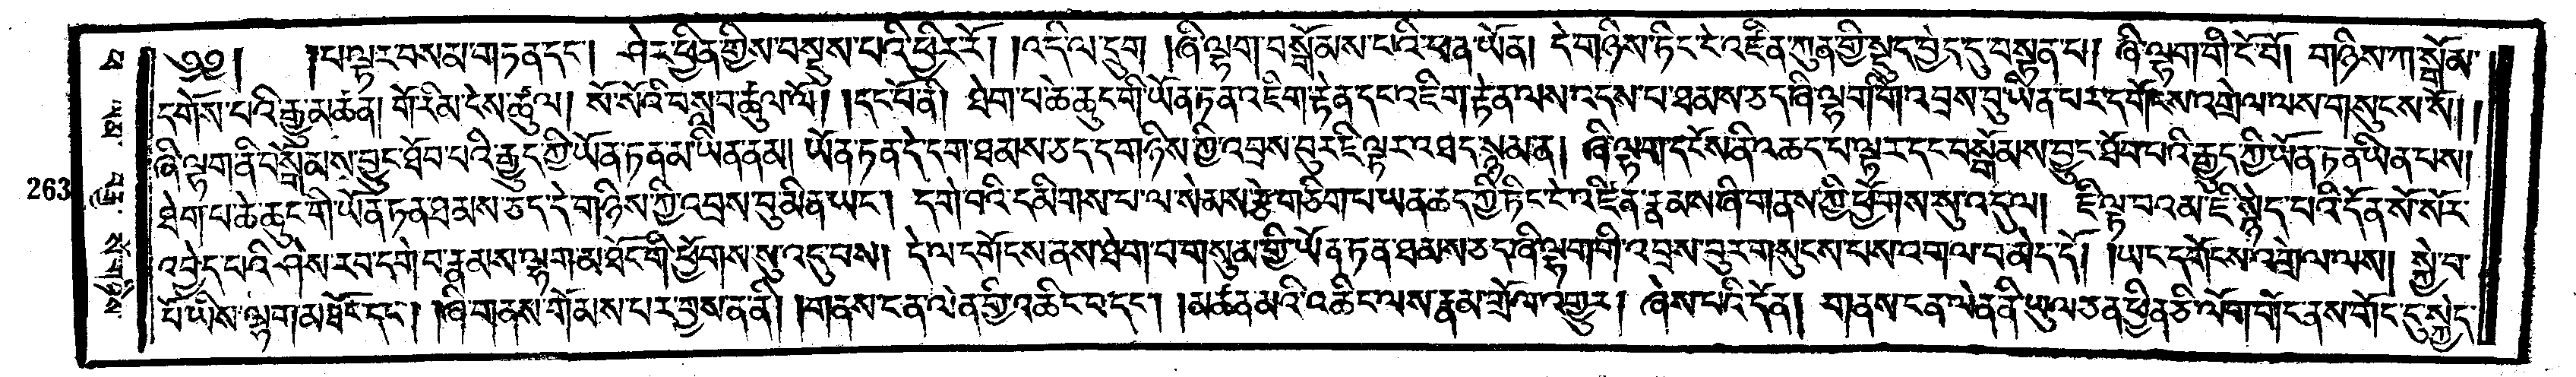༄༅། །པ་ལྟར་བསམ་གཏན་དང་། ཤེར་ཕྱིན་གྱིས་བསྡུས་པའི་ཕྱིར་རོ། །འདི་ལ་དྲུག །ཞི་ལྷག་བསྒོམ་པའི་ཕན་ཡོན། དེ་གཉིས་ཏིང་ངེ་འཛིན་ཀུན་གྱི་སྡུད་བྱེད་དུ་བསྟན་པ། ཞི་ལྷག་གི་ངོ་བོ། གཉིས་ཀ་སྒོམ་
དགོས་པའི་རྒྱུ་མཚན། གོ་རིམ་ངེས་ཚུལ། སོ་སོའི་བསླབ་ཚུལ་ལོ། །དང་བོ་ནི། ཐེག་པ་ཆེ་ཆུང་གི་ཡོན་ཏན་འཇིག་རྟེན་དང་འཇིག་རྟེན་ལས་འདས་པ་ཐམས་ཅད་ཞི་ལྷག་གི་འབྲས་བུ་ཡིན་པར་དགོངས་འགྲེལ་ལས་གསུངས་སོ།།
ཞིག་ལྷག་ནི་བསྒོམས་བྱུང་ཐོབ་པའི་རྒྱུད་ཀྱི་ཡོན་ཏན་མ་ཡིན་ནམ། ཡོན་ཏན་དེ་དག་ཐམས་ཅད་ད་གཉིས་ཀྱི་འབྲས་བུར་ཇི་ལྟར་འཐད་སྙམ་ན། ཞིག་ལྷག་དངོས་ནི་འཆད་པ་ལྟར་དང་བསྒོམས་བྱུང་ཐོབ་པའི་རྒྱུད་ཀྱི་ཡོན་ཏན་ཡིན་པས།
ཐེག་པ་ཆེ་ཆུང་གི་ཡོན་ཏན་ཐམས་ཅད་དེ་གཉིས་ཀྱི་འབྲས་བུ་མིན་ཡང་། དགེ་བའི་དམིགས་པ་ལ་སེམས་རྩེ་གཅིག་པ་ཡན་ཆད་ཀྱི་ཏིང་ངེ་འཛིན་རྣམས་ཞི་གནས་ཀྱི་ཕྱོགས་སུ་འདུལ། ཇི་ལྟ་བའམ་ཇི་སྙེད་པའི་དོན་སོ་སོར་
འབྱེད་པའི་ཤེས་རབ་དགེ་བ་རྣམས་ལྷག་མཐོང་གི་ཕྱོགས་སུ་འདུ་བས། དེ་ལ་དགོངས་ནས་ཐེག་པ་གསུམ་གྱི་ཡོན་ཏན་ཐམས་ཅད་ཞི་ལྷག་གི་འབྲས་བུར་གསུངས་པས་འགལ་བ་མེད་དོ། །ཡང་དགོངས་འགྲེལ་ལས། སྐྱེ་བ་
པོ་ཡིས་ལྷག་མཐོང་དང་། །ཞི་གནས་གོམས་པར་བྱས་ན་ནི། །གནས་ངན་ལེན་གྱི་འཆིང་བ་དང་། །མཚན་མའི་འཆིང་ལས་རྣམ་གྲོལ་འགྱུར། ཞེས་པའི་དོན། གནས་ངན་ལེན་ནི་ཡུལ་ཅན་ཕྱིན་ཅི་ལོག་གོང་དུ་སྐྱེད་